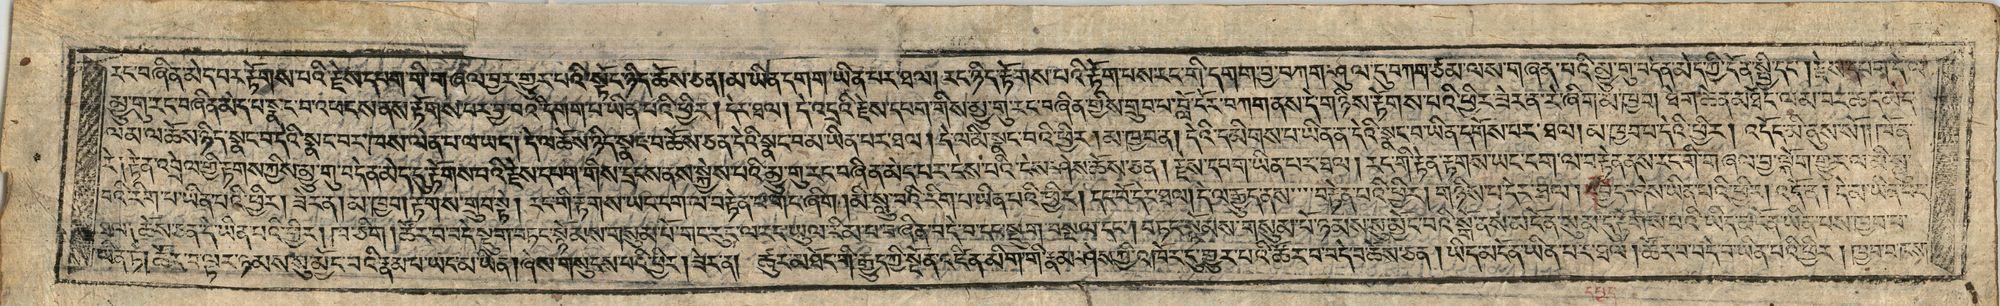རང་བཞིན་མེད་པར་རྟོགས་པའི་རྗེས་དཔག་གི་གཞལ་བྱར་གྱུར་པའི་སྟོང་ཉིད་ཆོས་ཅན། མ་ཡིན་དགག་ཡིན་པར་ཐལ། རང་ཉིད་རྟོགས་པའི་རྟོག་པས་རང་གི་དགག་བྱ་བཀག་ཤུལ་དུ་བཀག་ཙམ་ལས་གཞན་པའི་མྱུ་གུ་བདེན་མེད་ཀྱི་དོན་སྤྱི་དང་། རྗེས་དཔག་དེ་ལ་
མྱུ་གུ་རང་བཞིན་མེད་པ་སྣང་བ་འཕངས་ནས་རྟོགས་པར་བྱ་བའི་དགག་པ་ཡིན་པའི་ཕྱིར། དེར་ཐལ། དེ་འདྲའི་རྗེས་དཔག་གིས་མྱུ་གུ་རང་བཞིན་གྱིས་གྲུབ་པ་བློ་ངོར་བཀག་ནས་དེ་གཉིས་རྟོགས་པའི་ཕྱིར་ཟེར་ན་རེ་ཞིག་མ་ཁྱབ། ཐེག་ཆེན་མཐོང་ལམ་བར་ཆད་མེད་
ལམ་ལ་ཆོས་ཉིད་སྣང་བ་དེའི་སྣང་བར་ཁས་ལེན་པ་ལ་ཡང་། དེ་ལ་ཆོས་ཉིད་སྣང་བ་ཆོས་ཅན་དེའི་སྣང་བ་མ་ཡིན་པར་ཐལ། དེ་ལ་མི་སྣང་བའི་ཕྱིར། མ་ཁྱབ་ན། དེའི་དམིགས་པ་ཡིན་ན་དེའི་སྣང་བ་ཡིན་དགོས་པར་ཐལ། མ་ཁྱབ་པ་དེའི་ཕྱིར། འདོད་མི་ནུས་སོ། །ཁོ་ན་
རེ༑ རྟེན་འབྲེལ་གྱི་རྟགས་ཀྱིས་མྱུ་གུ་བདེན་མེད་དུ་རྟོགས་པའི་རྗེས་དཔག་གིས་དྲངས་ནས་སྐྱེས་པའི་མྱུ་གུ་རང་བཞིན་མེད་པར་ངེས་པའི་ངེས་ཤེས་ཆོས་ཅན། རྗེས་དཔག་ཡིན་པར་ཐལ། རང་གི་རྟེན་རྟགས་ཡང་དག་ལ་བརྟེན་ནས་རང་གི་གཞལ་བྱ་ལྐོག་གྱུར་ལ་མི་སླུ་
བའི་རིག་པ་ཡིན་པའི་ཕྱིར། ཟེར་ན། མ་ཁྱབ། རྟགས་གྲུབ་སྟེ། རང་གི་རྟགས་ཡང་དག་ལ་བརྟེན་པ་གང་ཞིག །མི་སླུ་བའི་རིག་པ་ཡིན་པའི་ཕྱིར། དང་པོ་དེར་ཐལ། དེ་ལ་རྒྱུད་ནས་བརྟེན་པའི་ཕྱིར། གཉིས་པ་དེར་ཐལ། དཔྱད་ཤེས་ཡིན་པའི་ཕྱིར། འདོད་ན། དེ་མ་ཡིན་པར་
ཐལ༑ ཆོས་ཅན་དེ་ཡིན་པའི་ཕྱིར། ཁ་ཅིག །ཚོར་བ་བདེ་སྡུག་བཏང་སྙོམས་གསུམ་པོ་གང་རུང་ལ་རང་ཡུལ་རིམ་པ་བཞིན་བདེ་བ་དང་སྡུག་བསྔལ་དང་། བཏང་སྙོམས་གསུམ་པོ་ཉམས་སུ་མྱོང་བའི་སྒོ་ནས་མངོན་སུམ་དུ་རྟོགས་པའི་ཡིད་མངོན་ཡིན་པས་ཁྱབ་པ་
ཡིན་ཏེ། ཚོར་བ་ལྟར་ཉམས་སུ་མྱོང་བའི་རྣམ་པ་ཡང་མ་ཡིན། ཞེས་གསུངས་པའི་ཕྱིར། ཟེར་ན། ཚུར་མཐོང་གི་རྒྱུད་ཀྱི་སྔོན་འཛིན་མིག་གི་རྣམ་ཤེས་ཀྱི་འཁོར་དུ་གྱུར་པའི་ཚོར་བ་བདེ་བ་ཆོས་ཅན། ཡིད་མངོན་ཡིན་པར་ཐལ། ཚོར་བ་བདེ་བ་ཡིན་པའི་ཕྱིར། ཁྱབ་པ་ཁས་